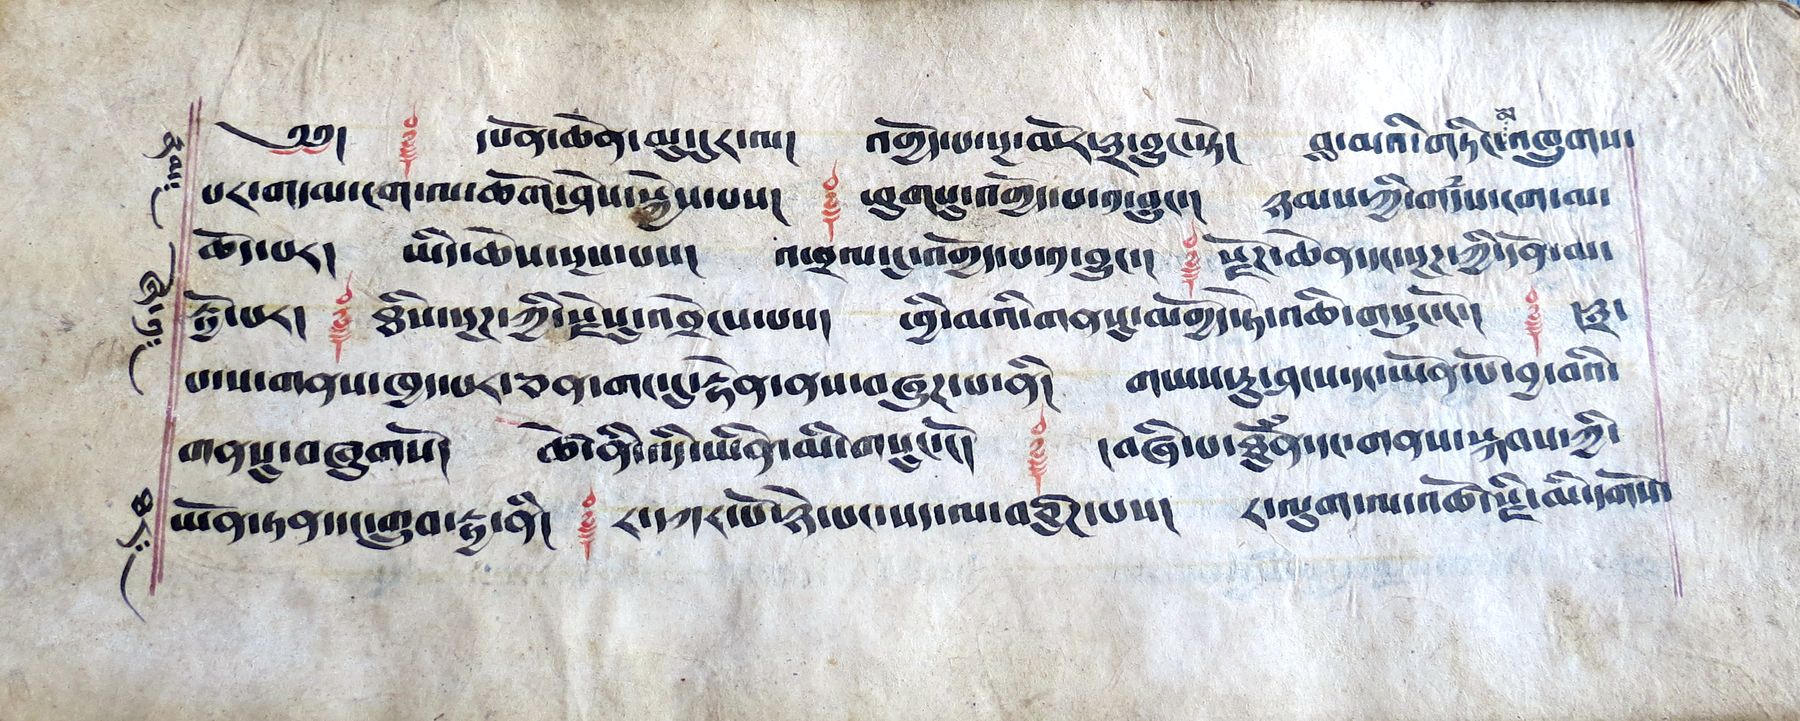དཔོན་ཆེན་མུ་ཐུར་ལ། འགྱོད་པ་སྔ་མོར་གསུམ་བྱུང་སྟེ། བླ་མའི་གཏིང་མ་འཁྲུགས་
པར་གདམས་ངག་ལ་ཆོག་ཤེས་སྐྱེས་པས། ཕུགས་སུ་འགྱོད་པ་ཞིག་བྱུང་། ཉམས་ཀྱི་གདམས་ངག་མ་
ཆོད་པར། ཡིད་ཆེས་སྔས་པས། འཕྲལ་དུ་འགྱོད་པ་ཞིག་བྱུང་། རྫོགས་ཆེན་དང་སྔགས་ཀྱི་དོན་མ་
རྟོགས་པར། ཐིས་སྔགས་ཀྱི་རྗེས་སུ་འབྲེང་པས། ཕྱི་མའི་གནས་སུ་འགྱོད་དེ་མཆིས་གསུངས་སོ། ། གསུམ་
པ་ས་གནས་ཁྱད་པར་ཅན་གང་དུ་བརྟེན་ནས་བཞུགས་པ་ནི། གཡས་རུ་ཤངས་དང་ཡོན་པོ་བྱ་བའི་
གནས་སུ་བཞུགས་སོ། ། ཚེ་ནི་འདི་ཡིན་མི་གསུང་ངོ་། ། བཞི་པ་ཐུན་མོང་དང་གནས་སྐབས་ཀྱི་
ཡོན་ཏན་དང་གྲུབ་རྟགས་ནི། ར་དཀར་པོ་ཉི་པང་སད་ལ་བཙུག་པས། ར་ལུག་ལ་འཚོ་རྫི་མི་དགོས་